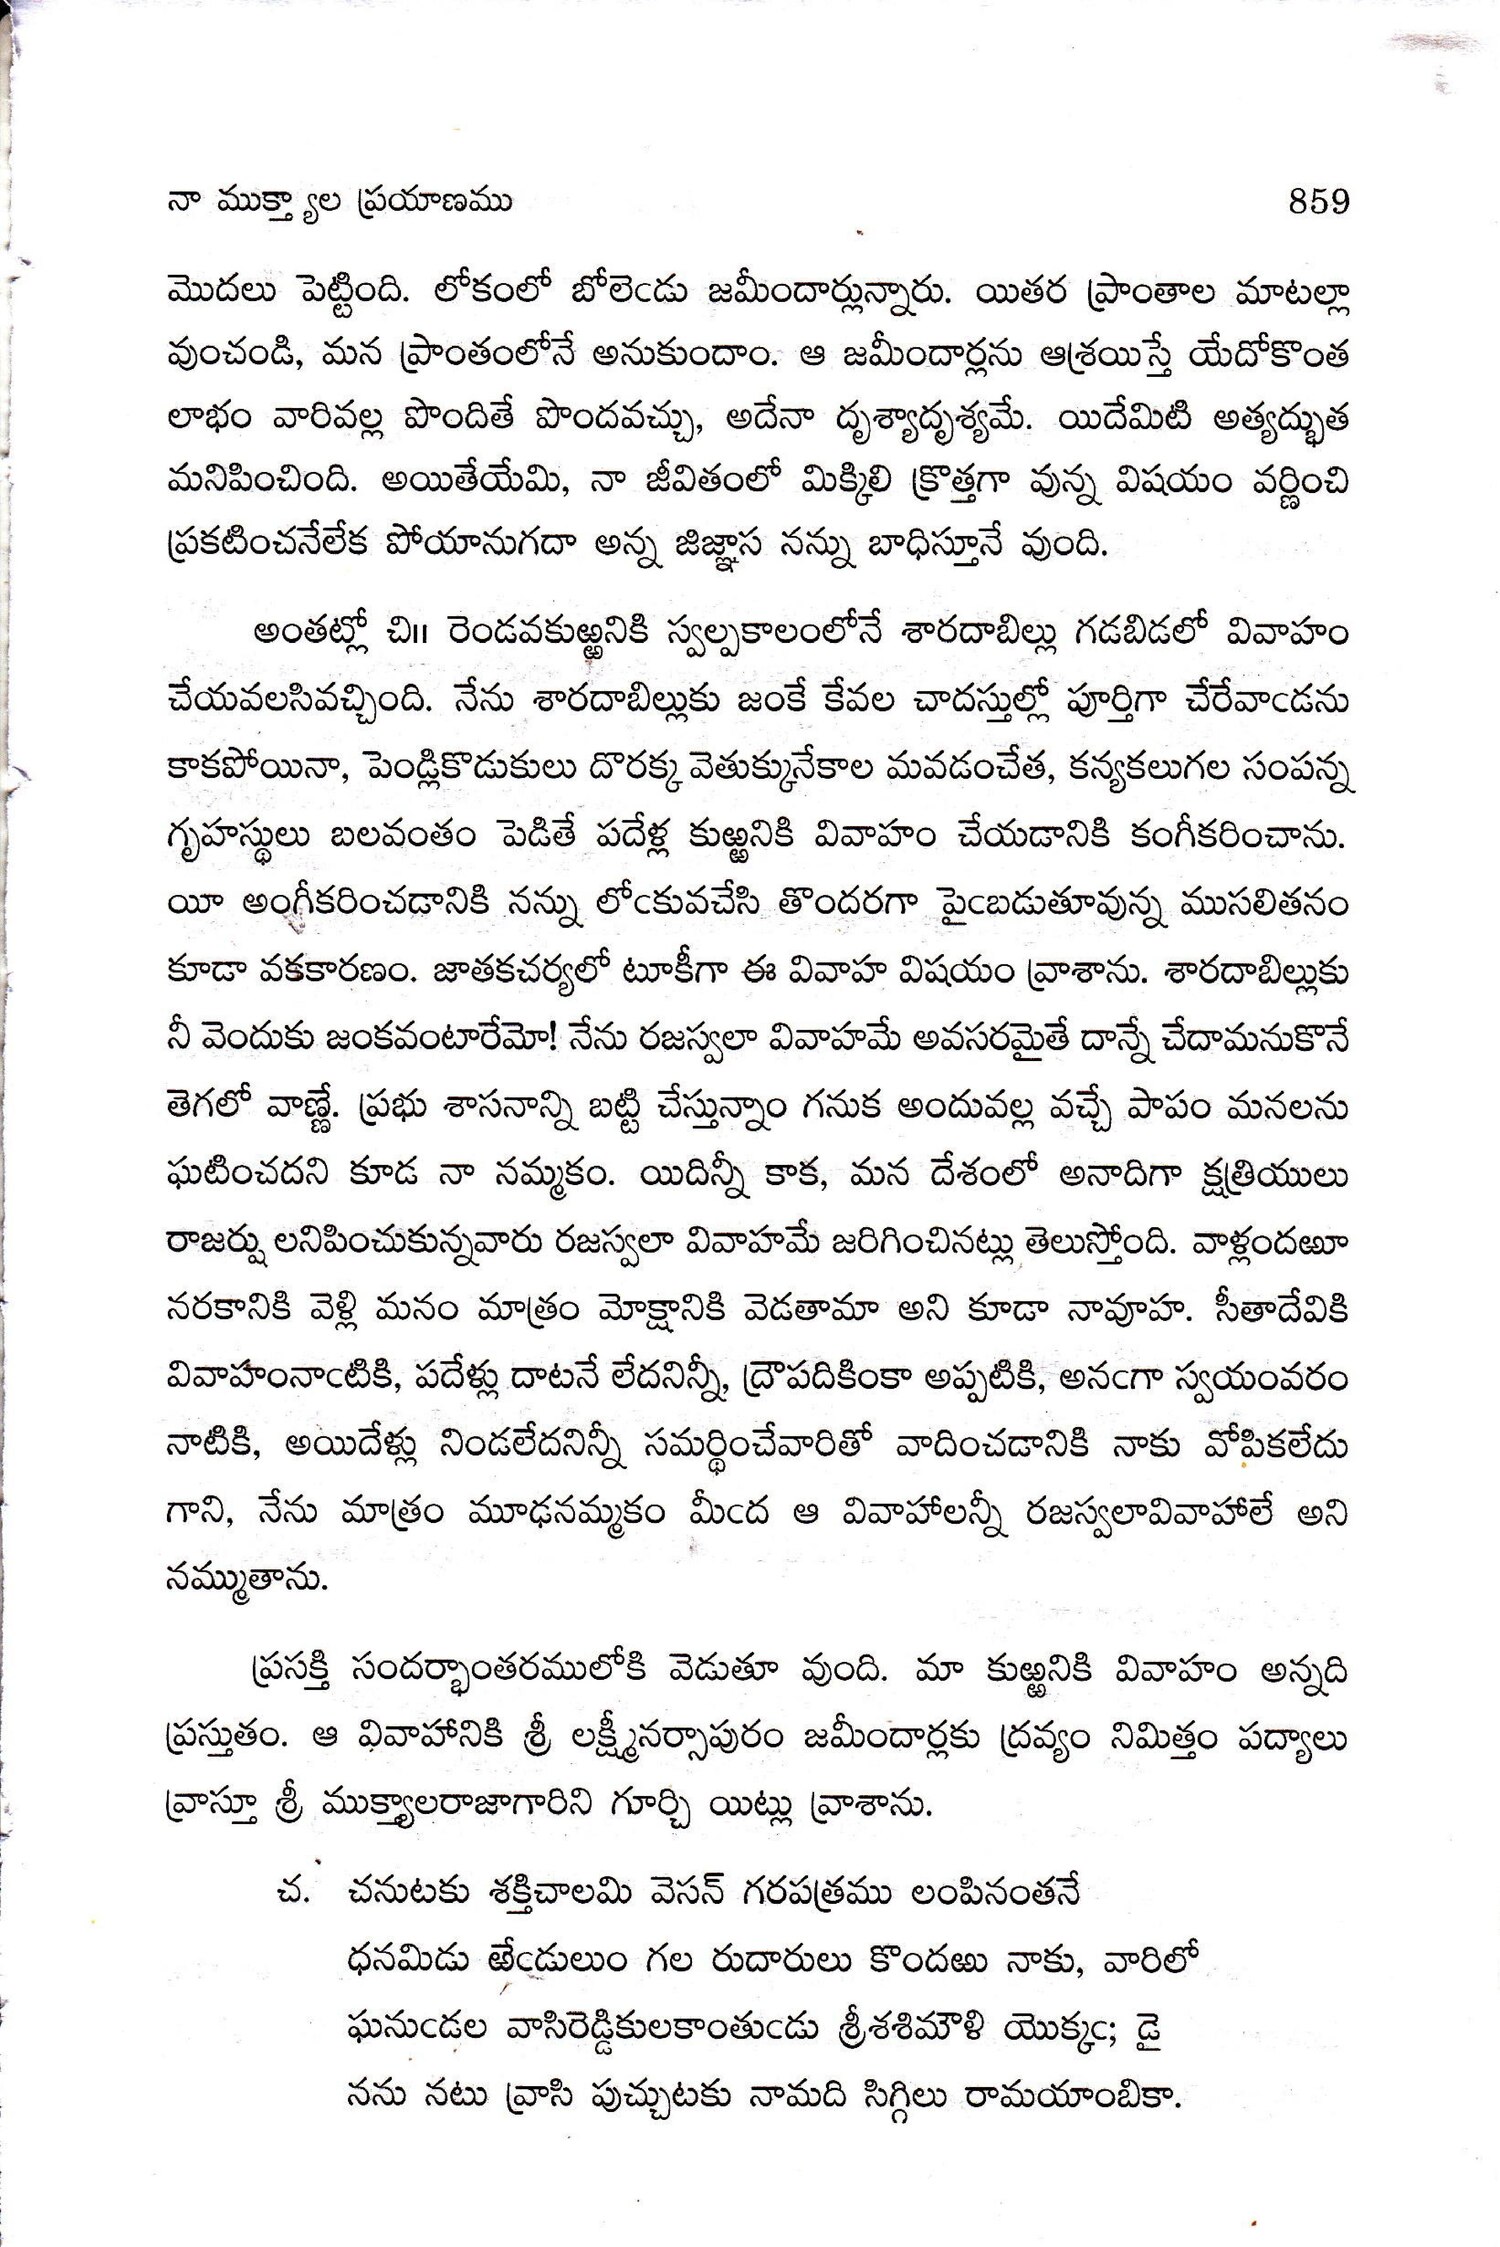మొదలు పెట్టింది. లోకంలో బోలెఁడు జమీందార్లున్నారు. యితర ప్రాంతాల మాటల్లా వుంచండి, మన ప్రాంతంలోనే అనుకుందాం. ఆ జమీందార్లను ఆశ్రయిస్తే యేదోకొంత లాభం వారివల్ల పొందితే పొందవచ్చు, అదేనా దృశ్యాదృశ్యమే. యిదేమిటి అత్యద్భుత మనిపించింది. అయితేయేమి, నా జీవితంలో మిక్కిలి క్రొత్తగా వున్న విషయం వర్ణించి ప్రకటించనేలేక పోయానుగదా అన్న జిజ్ఞాస నన్ను బాధిస్తూనే వుంది.

అంతటో చి|| రెండవకుఱ్ఱనికి స్వల్పకాలంలోనే శారదాబిల్లు గడబిడలో వివాహం చేయవలసివచ్చింది. నేను శారదాబిల్లుకు జంకే కేవల చాదస్తుల్లో పూర్తిగా చేరేవాఁడను కాకపోయినా, పెండ్లికొడుకులు దొరక్కవెతుక్కునేకాల మవడంచేత, కన్యకలుగల సంపన్న గృహస్థులు బలవంతం పెడితే పదేళ్ల కుఱ్ఱనికి వివాహం చేయడానికి కంగీకరించాను. యీ అంగీకరించడానికి నన్ను లోఁకువచేసి తొందరగా పైఁబడుతూవున్న ముసలితనం కూడా వకకారణం. జాతకచర్యలో టూకీగా ఈ వివాహ విషయం వ్రాశాను. శారదాబిల్లుకు నీ వెందుకు జంకవంటారేమో! నేను రజస్వలా వివాహమే అవసరమైతే దాన్నే చేదామనుకొనే తెగలో వాణ్ణే. ప్రభు శాసనాన్ని బట్టి చేస్తున్నాం గనుక అందువల్ల వచ్చే పాపం మనలను ఘటించదని కూడ నా నమ్మకం. యిదిన్నీ కాక, మన దేశంలో అనాదిగా క్షత్రియులు రాజర్షు లనిపించుకున్నవారు రజస్వలా వివాహమే జరిగించినట్లు తెలుస్తోంది. వాళ్లందఱూ నరకానికి వెళ్లి మనం మాత్రం మోక్షానికి వెడతామా అని కూడా నావూహ. సీతాదేవికి వివాహంనాఁటికి, పదేళ్లు దాటనే లేదనిన్నీ ద్రౌపదికింకా అప్పటికి, అనఁగా స్వయంవరం నాటికి, అయిదేళ్లు నిండలేదనిన్నీ సమర్థించేవారితో వాదించడానికి నాకు వోపికలేదు గాని, నేను మాత్రం మూఢనమ్మకం మీఁద ఆ వివాహాలన్నీ రజస్వలావివాహాలే అని నమ్ముతాను.

ప్రసక్తి సందర్భాంతరములోకి వెడుతూ వుంది. మా కుఱ్ఱనికి వివాహం అన్నది ప్రస్తుతం. ఆ వివాహానికి శ్రీ లక్ష్మీనర్సాపురం జమీందార్లకు ద్రవ్యం నిమిత్తం పద్యాలు వ్రాస్తూ శ్రీ ముక్త్యాలరాజాగారిని గూర్చి యిట్లు వ్రాశాను.

చ. చనుటకు శక్తిచాలమి వెసన్ గరపత్రము లంపినంతనే
 ధనమిడు ఱేఁడులుం గల రుదారులు కొందఱు నాకు, వారిలో 
 ఘనుఁడల వాసిరెడ్డికులకాంతుఁడు శ్రీశశిమౌళి యొక్కఁ; డై 
 నను నటు వ్రాసి పుచ్చుటకు నామది సిగ్గిలు రామయాంబికా